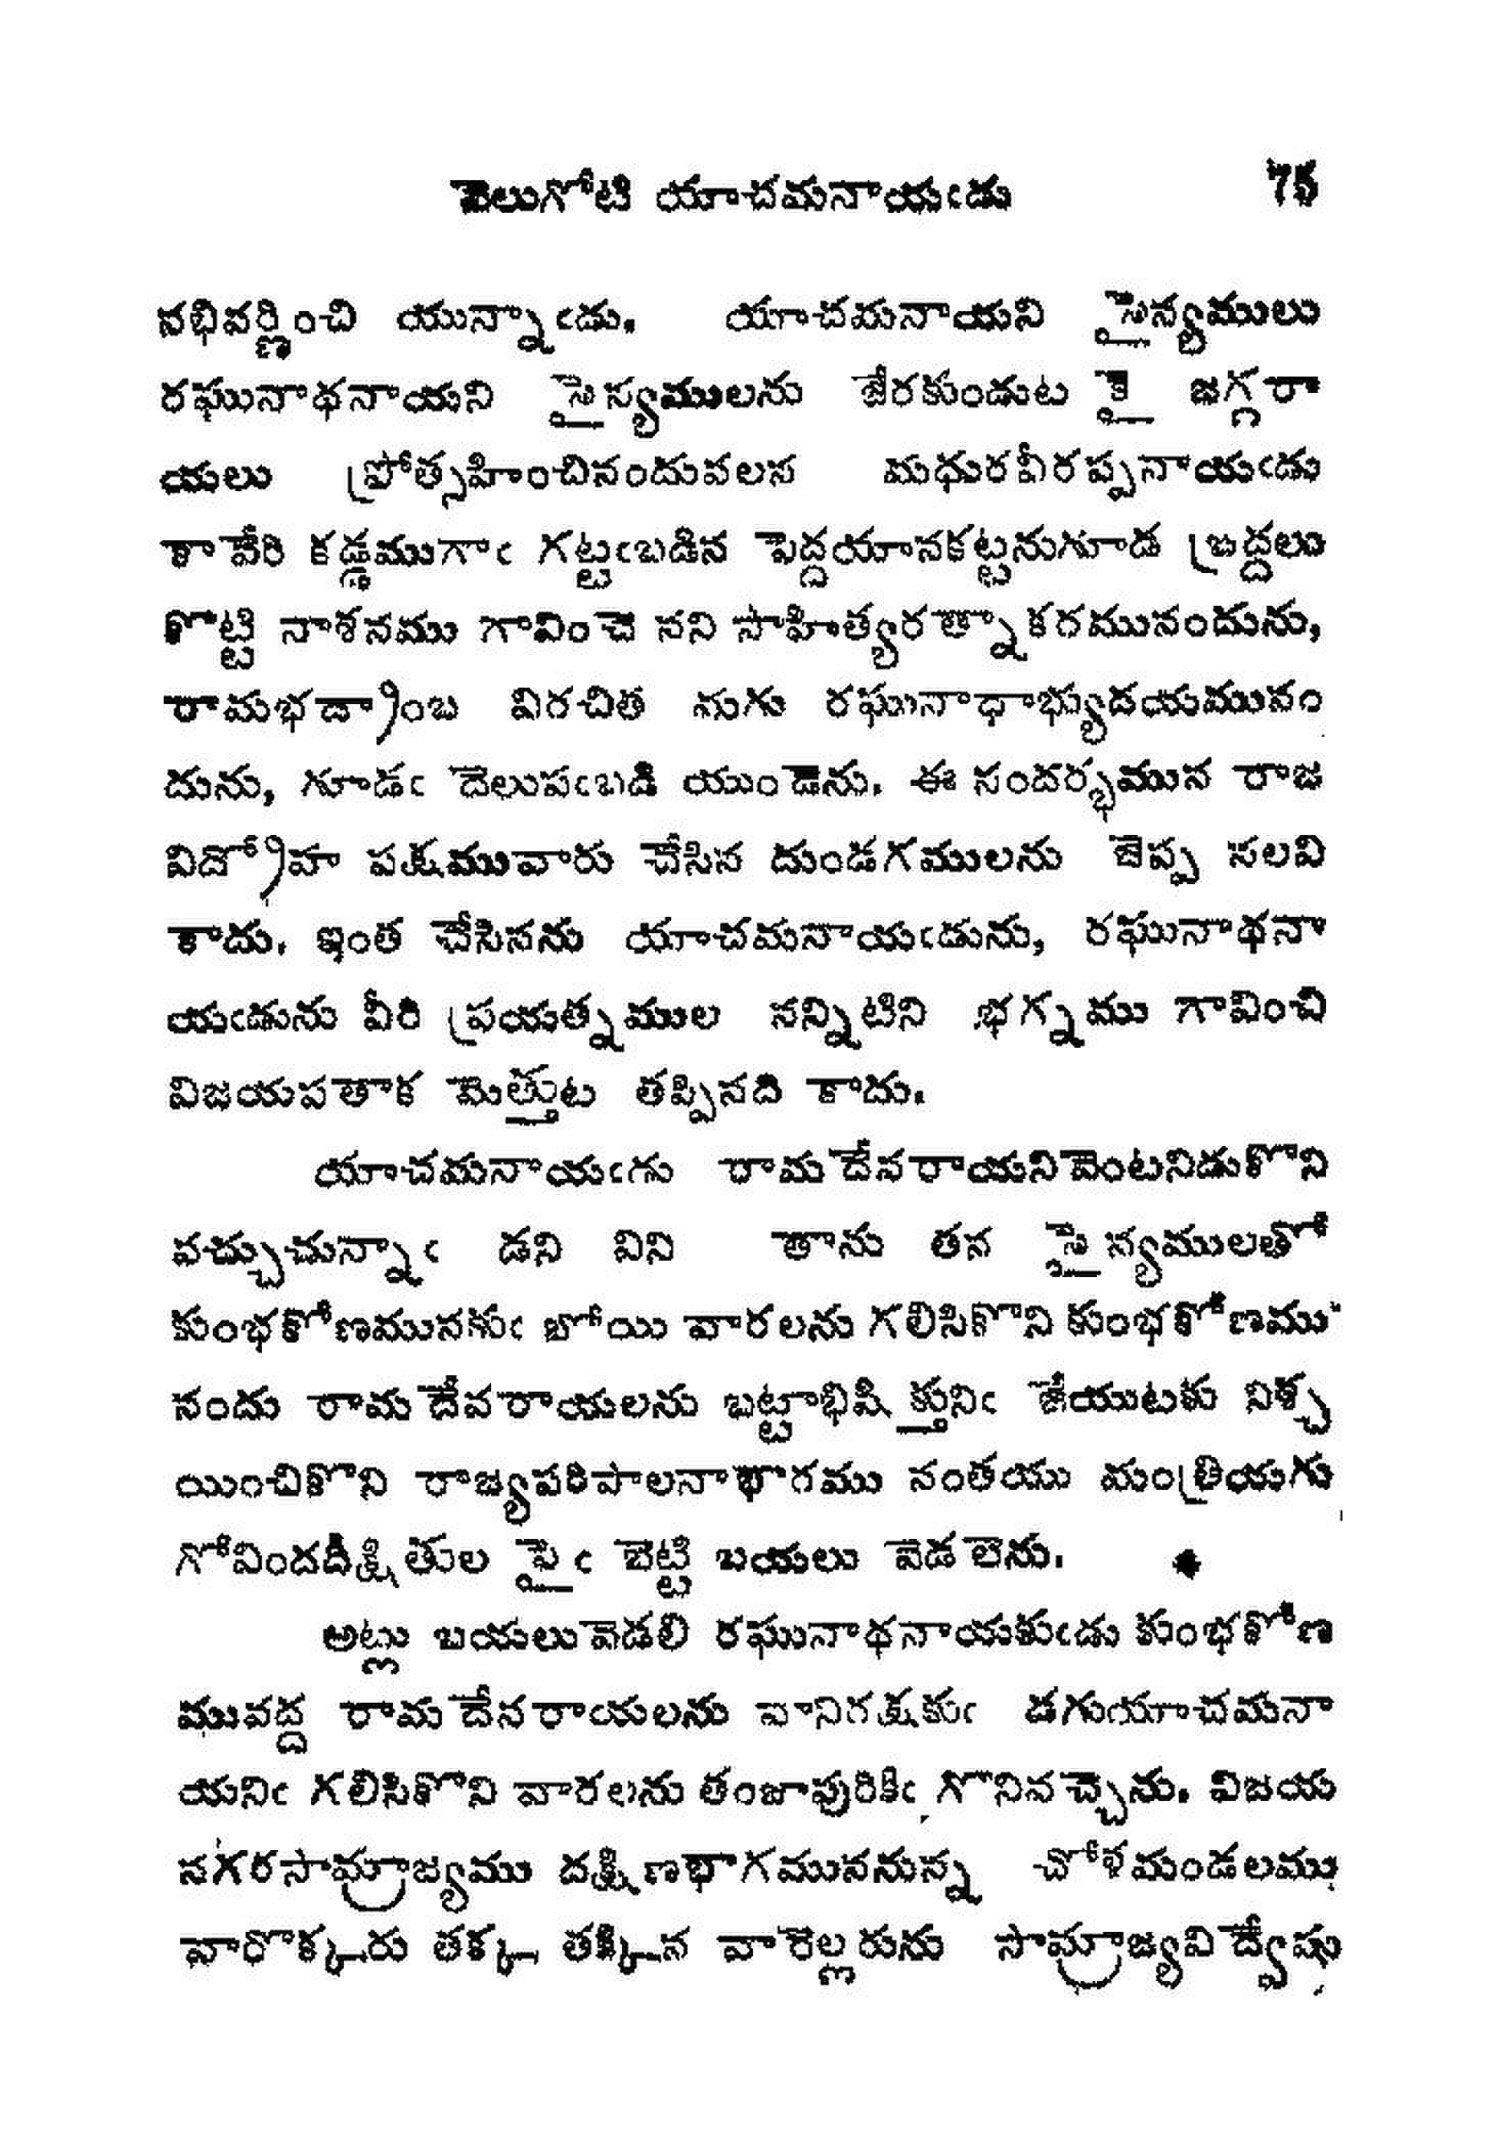నభివర్ణించి యున్నాఁడు. యాచమనాయని సైన్యములు రఘునాథనాయని సైన్యములను జేరకుండుట కై జగ్గరాయలు ప్రోత్సహించినందువలన మధురవీరప్పనాయఁడు కావేరి కడ్డముగాఁ గట్టఁబడిన పెద్దయానకట్టనుగూడ బ్రద్దలు కొట్టి నాశనము గావించె నని సాహిత్యరత్నాకరమునందును, రామభద్రాంబ విరచిత మగు రఘునాధాభ్యుదయమునందును, గూడఁ దెలుపఁబడి యుండెను. ఈ సందర్భమున రాజ విద్రోహ పక్షమువారు చేసిన దుండగములను జెప్ప నలవికాదు. ఇంత చేసినను యాచమనాయఁడును, రఘునాథనాయఁడును వీరి ప్రయత్నముల నన్నిటిని భగ్నము గావించి విజయపతాక మెత్తుట తప్పినది కాదు.

యాచమనాయఁడు రామదేవరాయనివెంటనిడుకొని వచ్చుచున్నాఁ డని విని తాను తన సైన్యములతో కుంభకోణమునకుఁ బోయి వారలను గలిసికొని కుంభకోణము నందు రామదేవరాయలను బట్టాభిషిక్తునిఁ జేయుటకు నిశ్చయించికొని రాజ్యపరిపాలనాభారము నంతయు మంత్రియగు గోవిందదీక్షితుల పైఁ బెట్టి బయలు వెడలెను.

అట్లు బయలువెడలి రఘునాథనాయకుఁడు కుంభకోణమువద్ద రామదేవరాయలను వానిరక్షకుఁ డగుయాచమనాయనిఁ గలిసికొని వారలను తంజావురికిఁ గొనివచ్చెను. విజయనగరసామ్రాజ్యము దక్షిణభాగముననున్న చోళమండలము వారొక్కరు తక్క తక్కిన వారెల్లరును సామ్రాజ్యవిద్వేషు